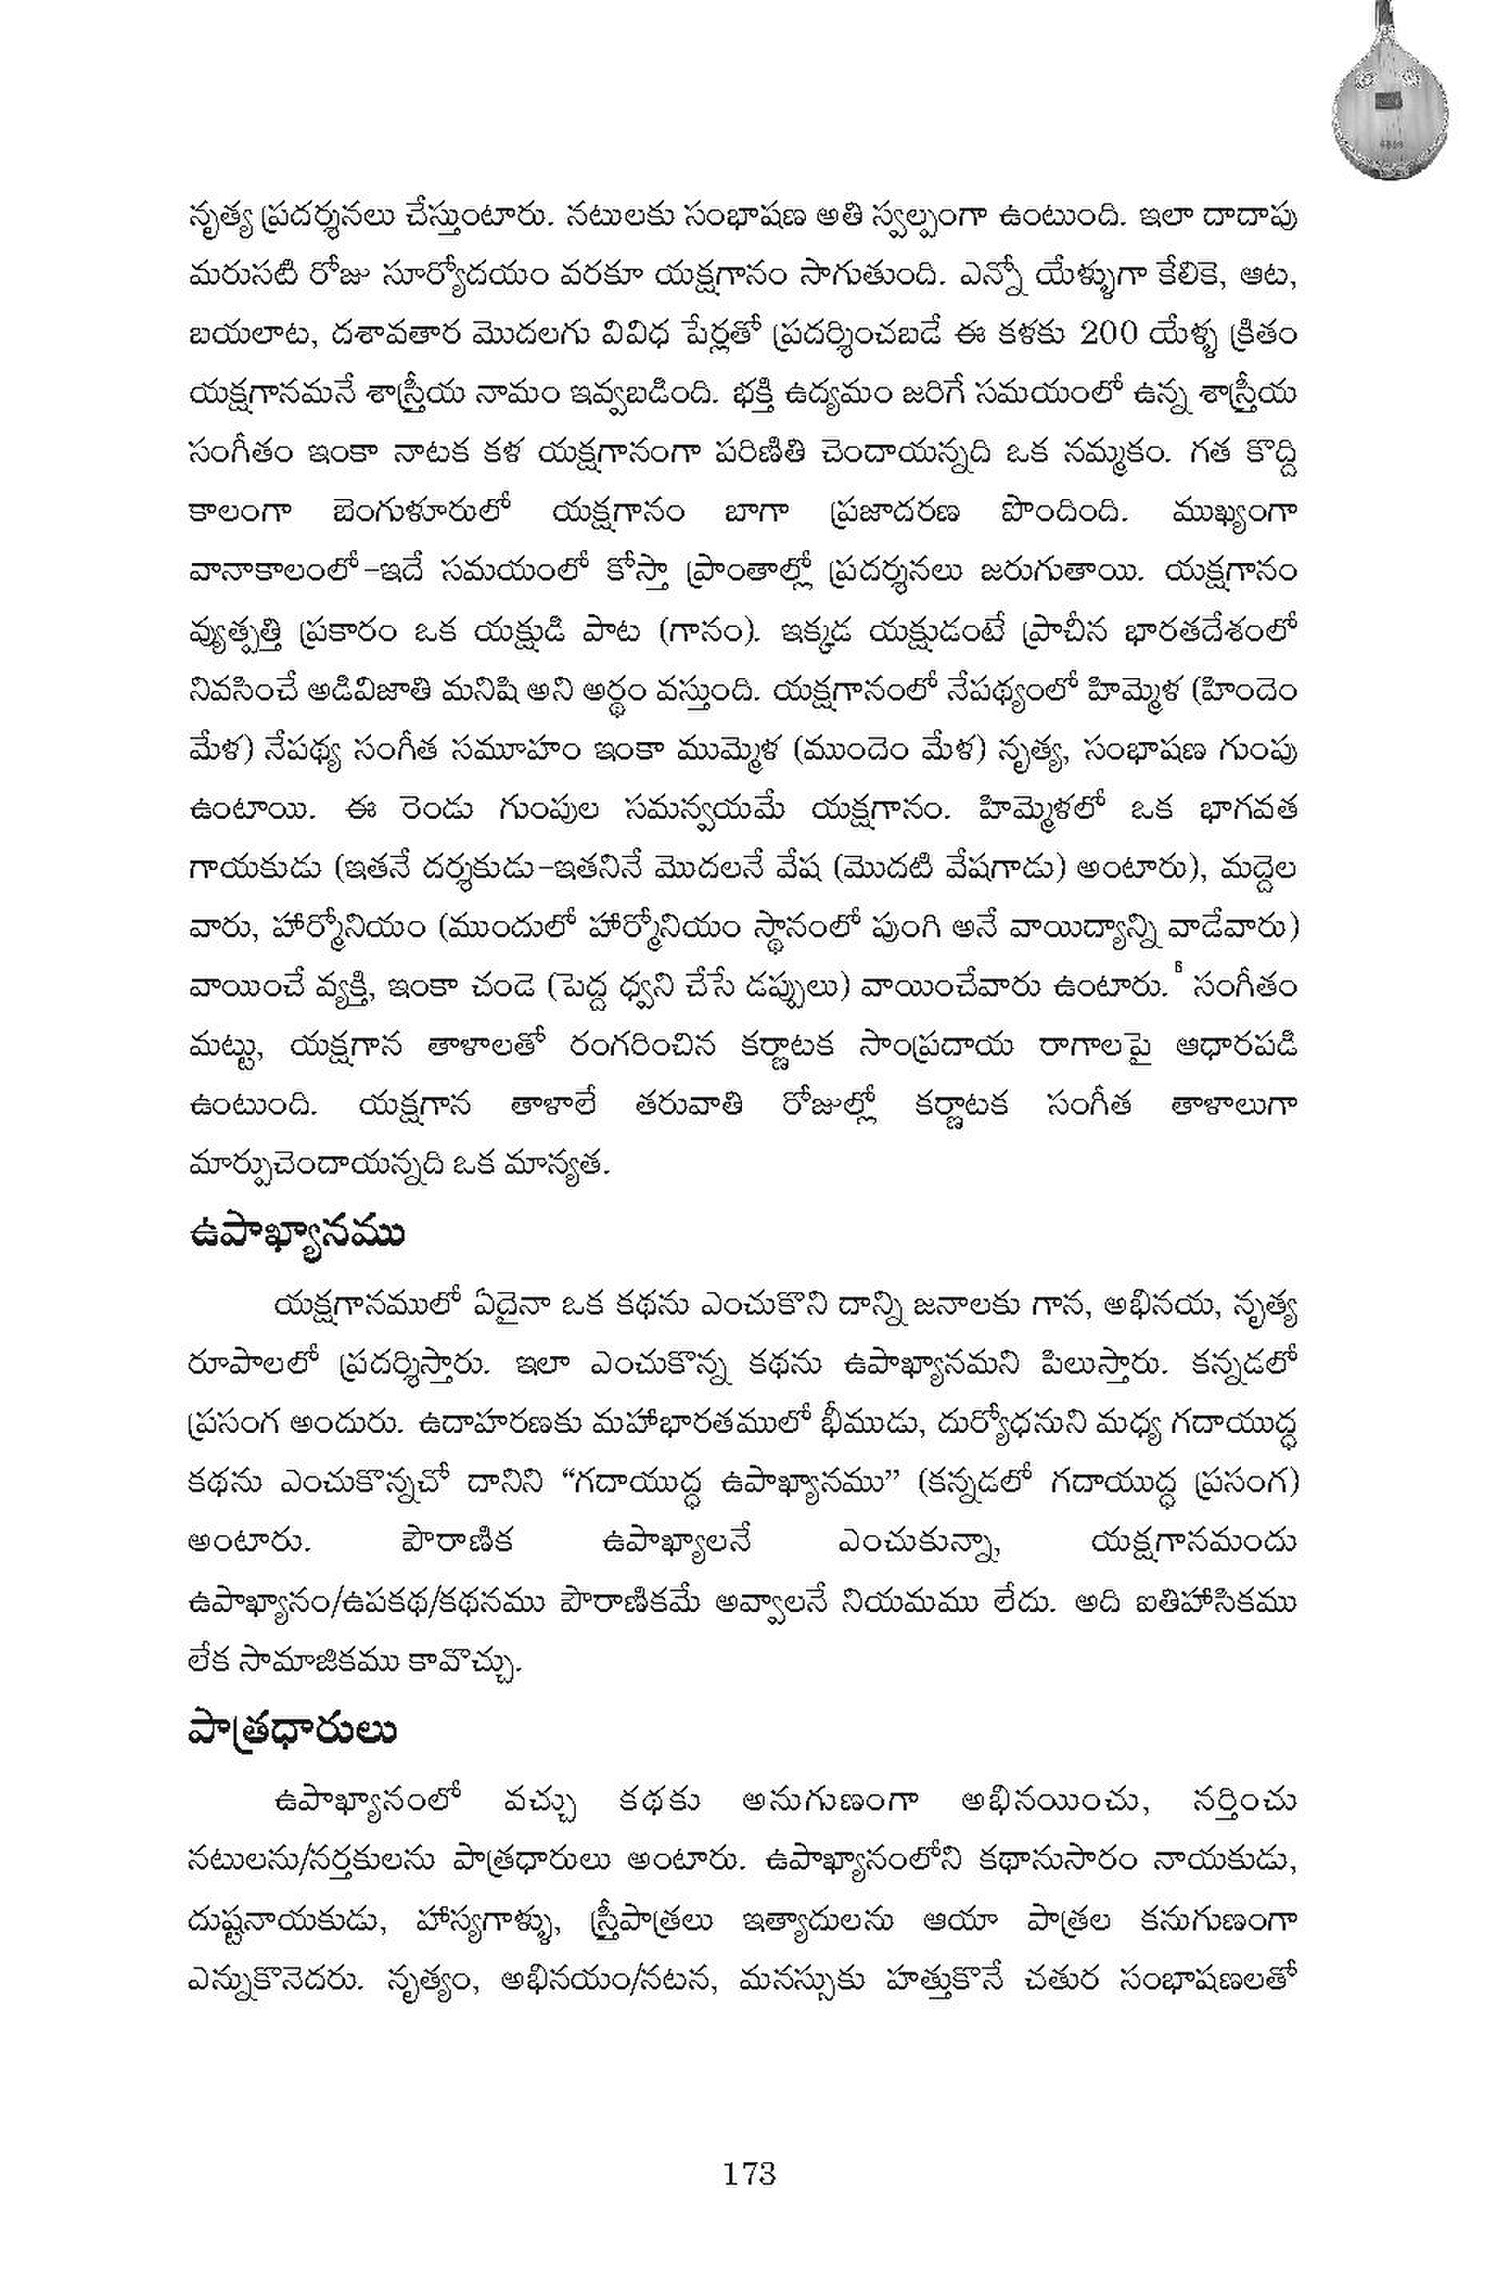నృత్య ప్రదర్శనలు చేస్తుంటారు. నటులకు సంభాషణ అతి స్వల్పంగా ఉంటుంది. ఇలా దాదాపు మరుసటి రోజు సూర్యోదయం వరకూ యక్షగానం సాగుతుంది. ఎన్నో యేళ్ళుగా కేలికె, ఆట, బయలాట, దశావతార మొదలగు వివిధ పేర్లతో ప్రదర్శించబడే ఈ కళకు 200 యేళ్ళ క్రితం యక్షగానమనే శాస్త్రీయ నామం ఇవ్వబడింది. భక్తి ఉద్యమం జరిగే సమయంలో ఉన్న శాస్త్రీయ సంగీతం ఇంకా నాటక కళ యక్షగానంగా పరిణితి చెందాయన్నది ఒక నమ్మకం. గత కొద్ది
కాలంగా బెంగుళూరులో యక్షగానం బాగా ప్రజాదరణ పొందింది. ముఖ్యంగా వానాకాలంలో-ఇదే సమయంలో కోస్తా ప్రాంతాల్లో ప్రదర్శనలు జరుగుతాయి. యక్షగానం వ్యుత్పత్తి ప్రకారం ఒక యక్షుడి పాట (గానం). ఇక్కడ యక్షుడంటే ప్రాచీన భారతదేశంలో నివసించే అడివిజాతి మనిషి అని అర్థం వస్తుంది. యక్షగానంలో నేపథ్యంలో హిమ్మెళ (హిందెం మేళ) నేపథ్య సంగీత సమూహం ఇంకా ముమ్మెళ (ముందెం మేళ) నృత్య, సంభాషణ గుంపు ఉంటాయి. ఈ రెండు గుంపుల సమన్వయమే యక్షగానం. హిమ్మెళలో ఒక భాగవత గాయకుడు (ఇతనే దర్శకుడు-ఇతనినే మొదలనే వేష (మొదటి వేషగాడు) అంటారు), మద్దెల వారు, హార్మోనియం (ముందులో హార్మోనియం స్థానంలో పుంగి అనే వాయిద్యాన్ని వాడేవారు)
వాయించే వ్యక్తి, ఇంకా చండె (పెద్ద ధ్వని చేసే డప్పులు) వాయించేవారు ఉంటారు.8 సంగీతం మట్టు, యక్షగాన తాళాలతో రంగరించిన కర్ణాటక సాంప్రదాయ రాగాలపై ఆధారపడి ఉంటుంది. యక్షగాన తాళాలే తరువాతి రోజుల్లో కర్ణాటక సంగీత తాళాలుగా మార్పుచెందాయన్నది ఒక మాన్యత.

ఉపాఖ్యానము 

యక్షగానములో ఏదైనా ఒక కథను ఎంచుకొని దాన్ని జనాలకు గాన, అభినయ, నృత్య రూపాలలో ప్రదర్శిస్తారు. ఇలా ఎంచుకొన్న కథను ఉపాఖ్యానమని పిలుస్తారు. కన్నడలో ప్రసంగ అందురు. ఉదాహరణకు మహాభారతములో భీముడు, దుర్యోధనుని మధ్య గదాయుద్ధ కథను ఎంచుకొన్నచో దానిని "గదాయుద్ధ ఉపాఖ్యానము” (కన్నడలో గదాయుద్ధ ప్రసంగ)అంటారు. పౌరాణిక ఉపాఖ్యాలనే ఎంచుకున్నా, యక్షగానమందు ఉపాఖ్యానం/ఉపకథ/కథనము పౌరాణికమే అవ్వాలనే నియమము లేదు. అది ఐతిహాసికము లేక సామాజికము కావొచ్చు.

పాత్రధారులు 

ఉపాఖ్యానంలో వచ్చు కథకు అనుగుణంగా అభినయించు, నర్తించు నటులను/నర్తకులను పాత్రధారులు అంటారు. ఉపాఖ్యానంలోని కథానుసారం నాయకుడు, దుష్టనాయకుడు, హాస్యగాళ్ళు, స్త్రీపాత్రలు ఇత్యాదులను ఆయా పాత్రల కనుగుణంగా ఎన్నుకొనెదరు. నృత్యం, అభినయం/నటన, మనస్సుకు హత్తుకొనే చతుర సంభాషణలతో